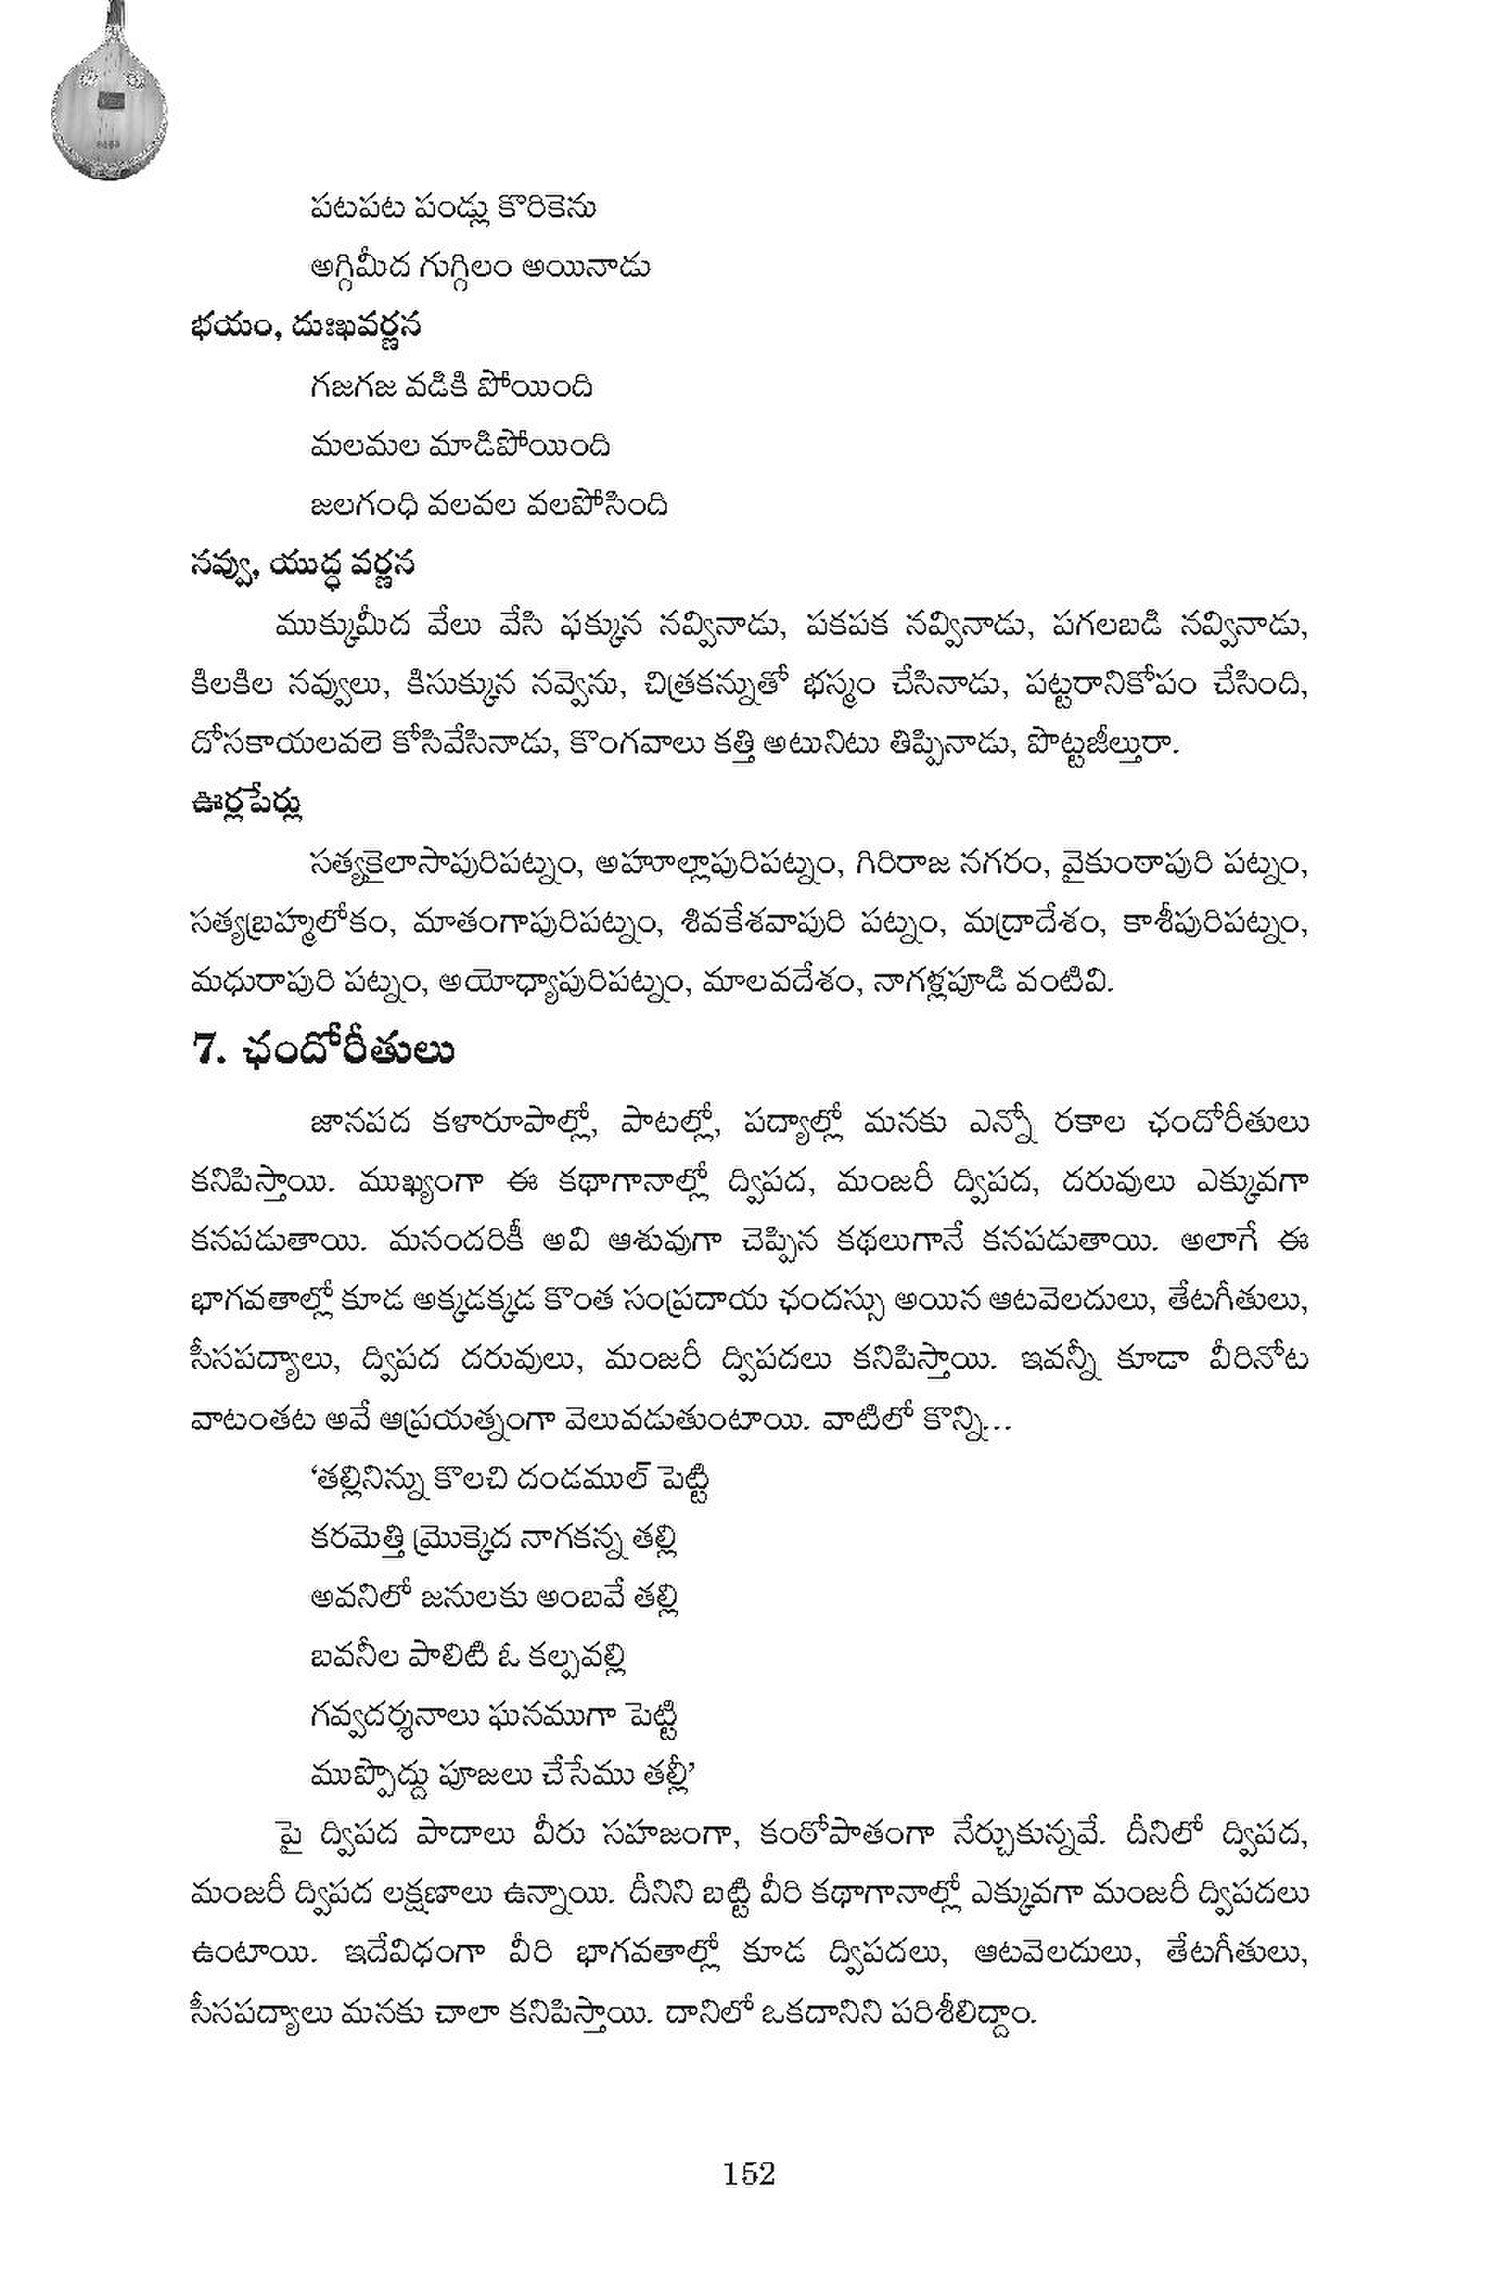పటపట పండ్లు కొరికెను
అగ్గిమీద గుగ్గిలం అయినాడు

భయం, దుఃఖవర్ణన 

గజగజ వడికి పోయింది
మలమల మాడిపోయింది
జలగంధి వలవల వలపోసింది

నవ్వు, యుద్ధ వర్ణన 

ముక్కుమీద వేలు వేసి ఫక్కున నవ్వినాడు, పకపక నవ్వినాడు, పగలబడి నవ్వినాడు, కిలకిల నవ్వులు, కిసుక్కున నవ్వెను, చిత్రకన్నుతో భస్మం చేసినాడు, పట్టరానికోపం చేసింది, దోసకాయలవలె కోసివేసినాడు, కొంగవాలు కత్తి అటునిటు తిప్పినాడు, పొట్టజీల్తురా.

ఊర్ల పేర్లు 

సత్యకైలాసాపురిపట్నం, అహూల్లాపురిపట్నం, గిరిరాజ నగరం, వైకుంఠాపురి పట్నం, సత్యబ్రహ్మలోకం, మాతంగాపురి పట్నం, శివకేశవాపురి పట్నం, మద్రాదేశం, కాశీపురిపట్నం, మధురాపురి పట్నం, అయోధ్యాపురిపట్నం, మాలవదేశం, నాగళ్లపూడి వంటివి.

7. ఛందోరీతులు 

జానపద కళారూపాల్లో, పాటల్లో, పద్యాల్లో మనకు ఎన్నో రకాల ఛందోరీతులు కనిపిస్తాయి. ముఖ్యంగా ఈ కథాగానాల్లో ద్విపద, మంజరీ ద్విపద, దరువులు ఎక్కువగా కనపడుతాయి. మనందరికీ అవి ఆశువుగా చెప్పిన కథలుగానే కనపడుతాయి. అలాగే ఈ భాగవతాల్లో కూడ అక్కడక్కడ కొంత సంప్రదాయ ఛందస్సు అయిన ఆటవెలదులు, తేటగీతులు, సీసపద్యాలు, ద్విపద దరువులు, మంజరీ ద్విపదలు కనిపిస్తాయి. ఇవన్నీ కూడా వీరినోట వాటంతట అవే ఆప్రయత్నంగా వెలువడుతుంటాయి. వాటిలో కొన్ని...

'తల్లినిన్ను కొలచి దండముల్ పెట్టి
కరమెత్తి మ్రొక్కెద నాగకన్న తల్లి
అవనిలో జనులకు అంబవే తల్లి
బవనీల పాలిటి ఓ కల్పవల్లి
గవ్వదర్శనాలు ఘనముగా పెట్టి
ముప్పొద్దు పూజలు చేసేము తల్లీ'

పై ద్విపద పాదాలు వీరు సహజంగా, కంఠోపాతంగా నేర్చుకున్నవే. దీనిలో ద్విపద, మంజరీ ద్విపద లక్షణాలు ఉన్నాయి. దీనిని బట్టి వీరి కథాగానాల్లో ఎక్కువగా మంజరీ ద్విపదలు ఉంటాయి. ఇదేవిధంగా వీరి భాగవతాల్లో కూడ ద్విపదలు, ఆటవెలదులు, తేటగీతులు, సీసపద్యాలు మనకు చాలా కనిపిస్తాయి. దానిలో ఒకదానిని పరిశీలిద్దాం.